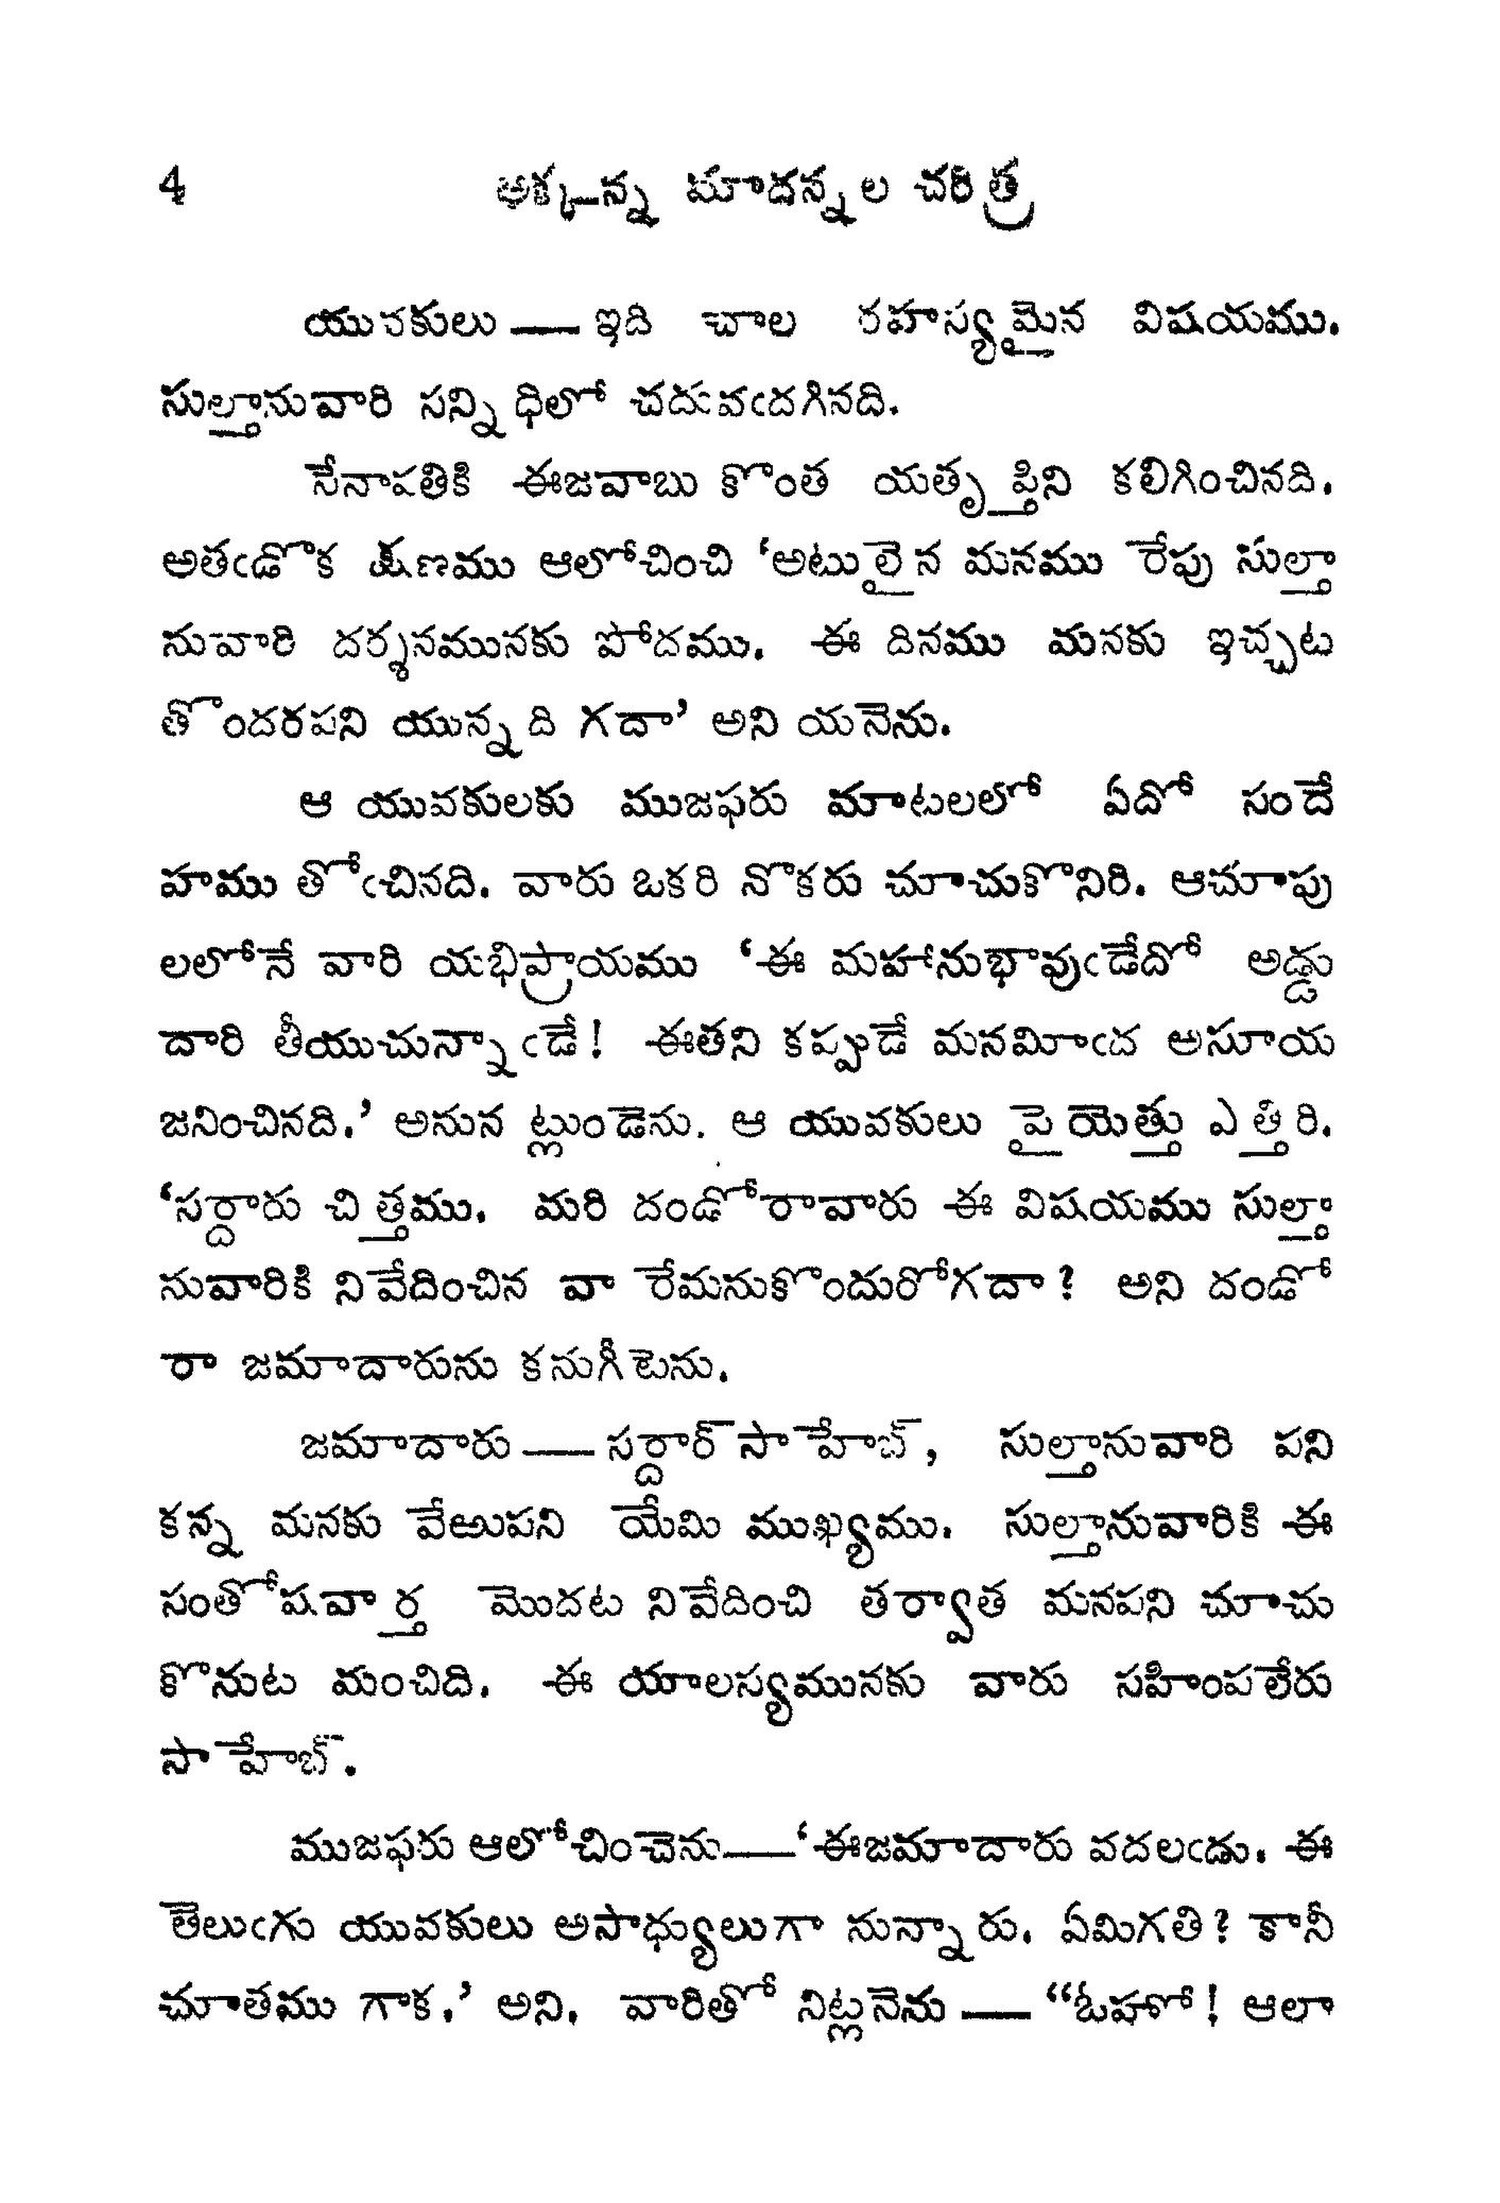యువకులు ― ఇది చాల రహస్యమైన విషయము. సుల్తానువారి సన్నిధిలో చదువఁదగినది.

సేనాపతికి ఈజవాబు కొంత యతృప్తిని కలిగించినది. అతఁడొక క్షణము ఆలోచించి ‘అటులైన మనము రేపు సుల్తానువారి దర్శనమునకు పోదము. ఈ దినము మనకు ఇచ్చట తొందరపని యున్నది గదా’ అని యనెను.

ఆ యువకులకు ముజఫరు మాటలలో ఏదో సందేహము తోఁచినది. వారు ఒకరి నొకరు చూచుకొనిరి. ఆచూపులలోనే వారి యభిప్రాయము ‘ఈ మహానుభావుఁడేదో అడ్డుదారి తీయుచున్నాఁడే! ఈతని కప్పుడే మనమీఁద అసూయ జనించినది.’ అనున ట్లుండెను. ఆ యువకులు పైయెత్తు ఎత్తిరి. ‘సర్దారు చిత్తము. మరి దండోరావారు ఈ విషయము సుల్తానువారికి నివేదించిన వా రేమనుకొందురోగదా? అని దండోరా జమాదారును కనుగీటెను.

జమాదారు ― సర్దార్ సాహేబ్, సుల్తానువారి పనికన్న మనకు వేఱుపని యేమి ముఖ్యము. సుల్తానువారికి ఈ సంతోషవార్త మొదట నివేదించి తర్వాత మనపని చూచుకొనుట మంచిది. ఈ యాలస్యమునకు వారు సహింపలేరు సాహేబ్.

ముజఫరు ఆలోచించెను―‘ఈజమాదారు వదలఁడు. ఈ తెలుఁగు యువకులు అసాధ్యులుగా నున్నారు. ఏమిగతి? కానీ చూతము గాక,’ అని, వారితో నిట్లనెను ― “ఓహో! ఆలా